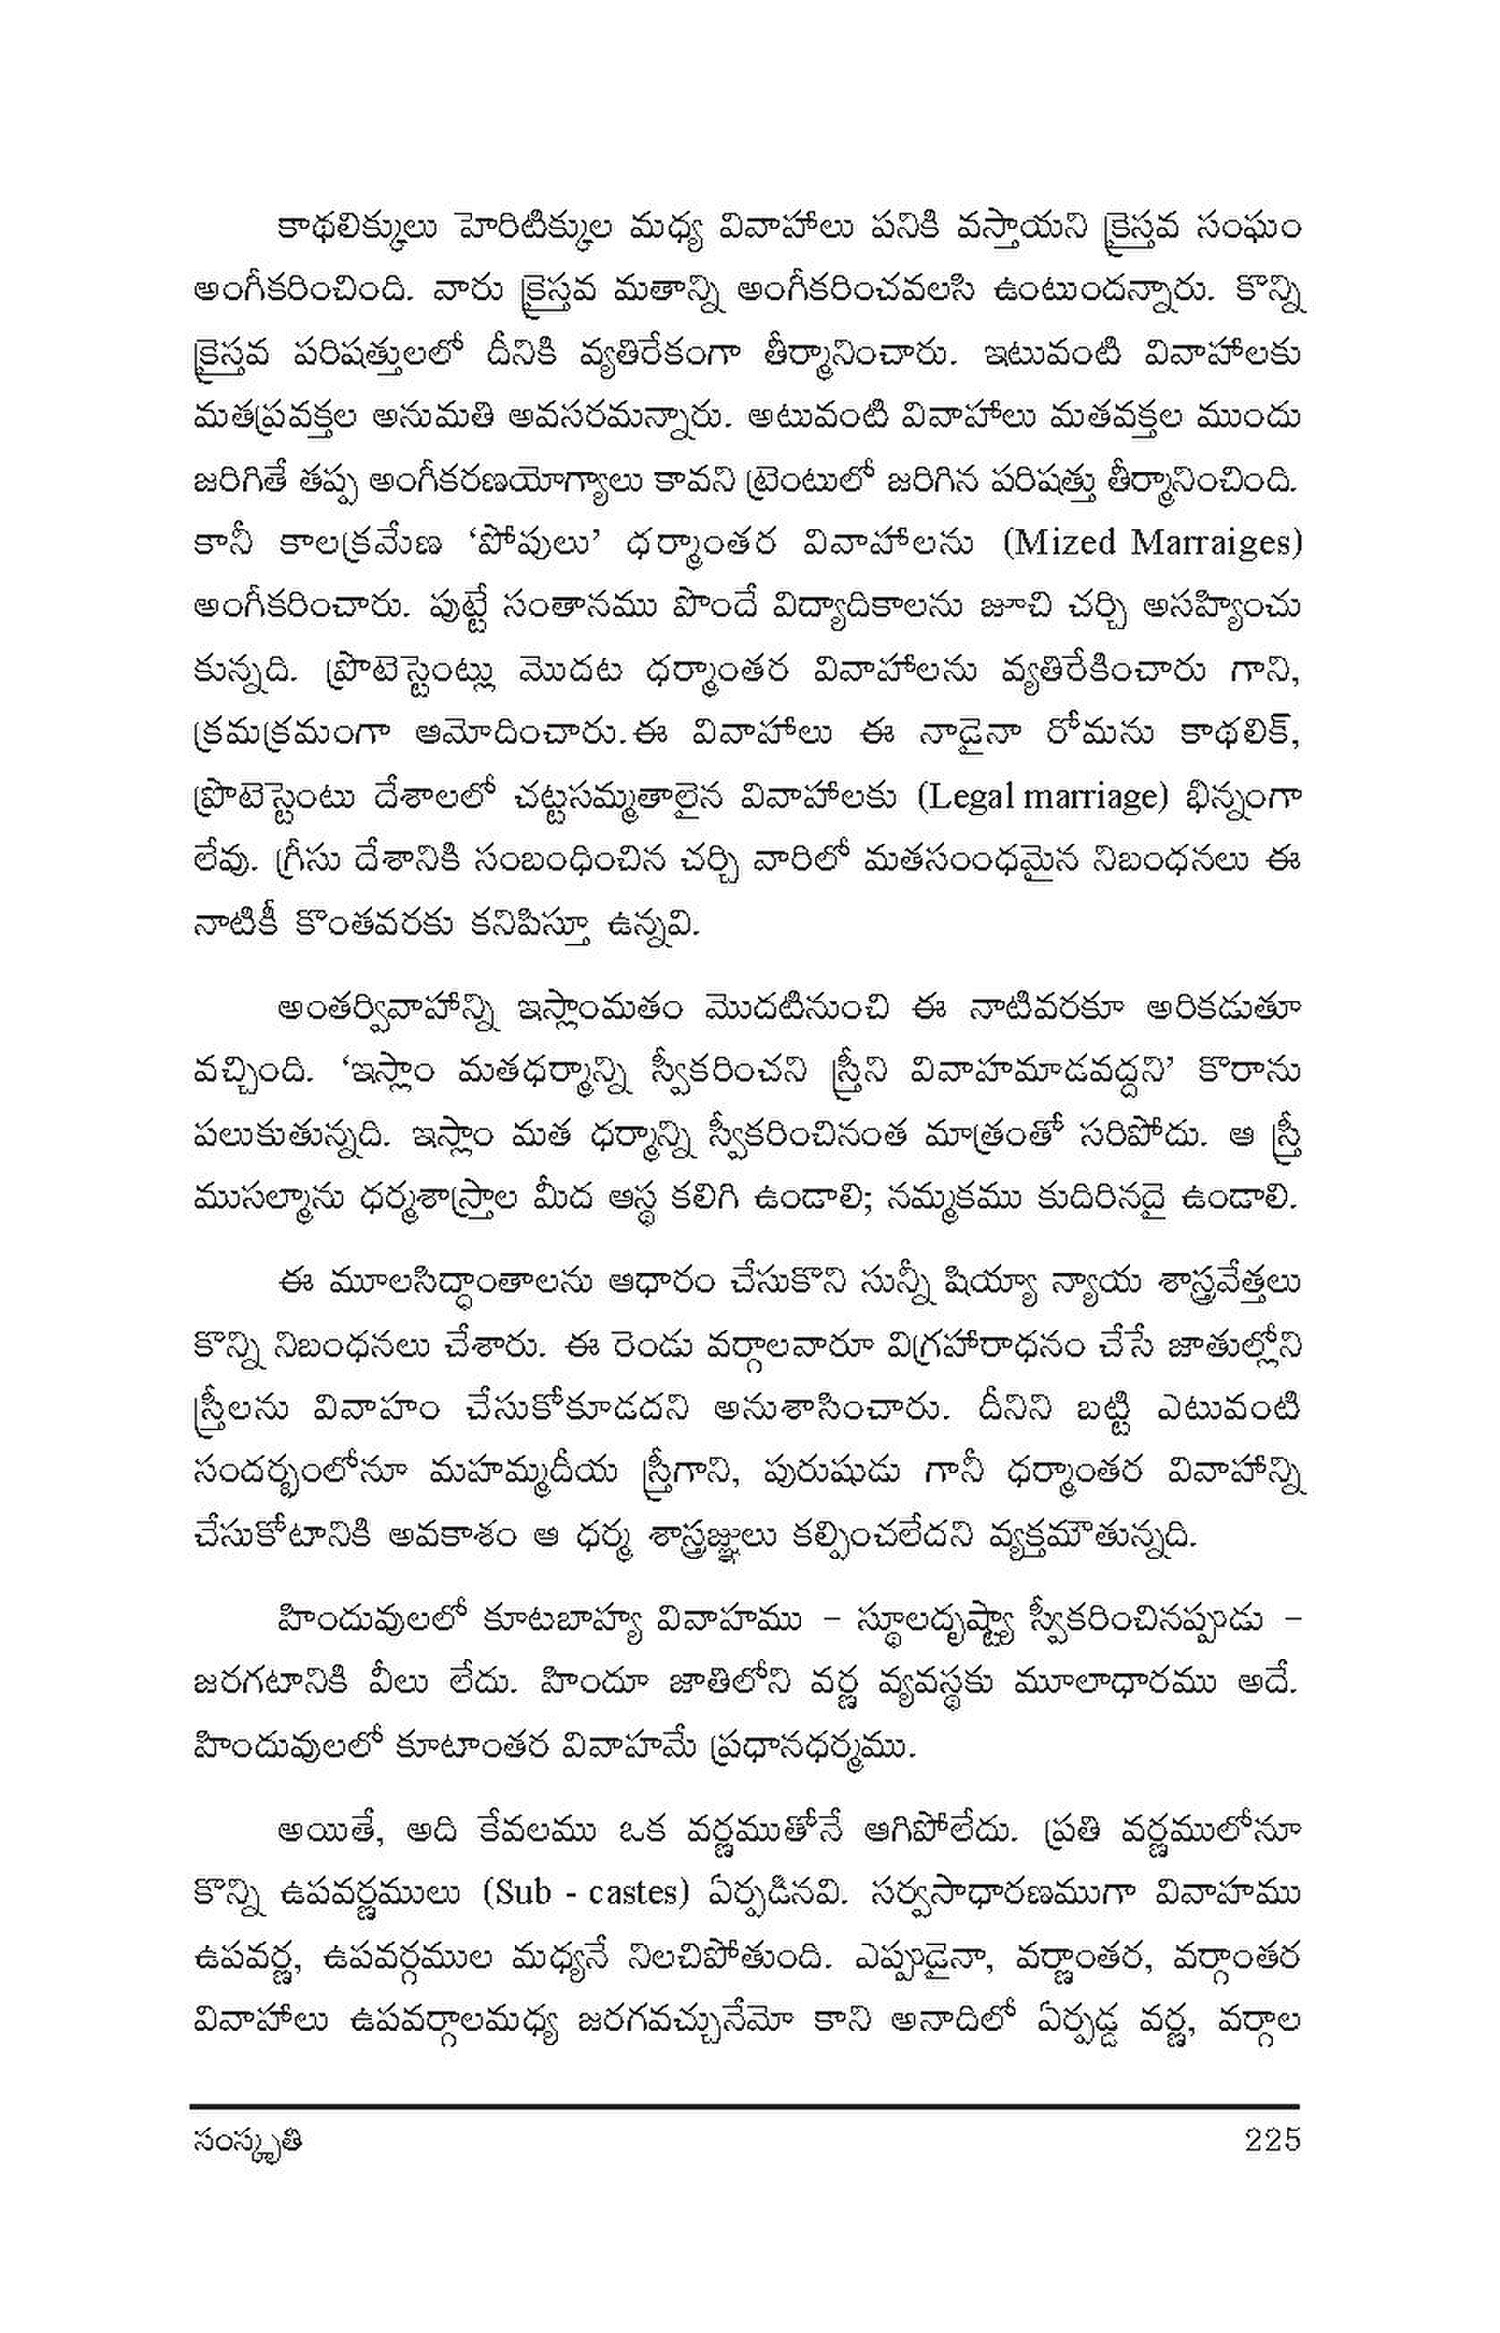కాథలిక్కులు హెరిటిక్కుల మధ్య వివాహాలు పనికి వస్తాయని క్రైస్తవ సంఘం
అంగీకరించింది. వారు క్రైస్తవ మతాన్ని అంగీకరించవలసి ఉంటుందన్నారు. కొన్ని
క్రైస్తవ పరిషత్తులలో దీనికి వ్యతిరేకంగా తీర్మానించారు. ఇటువంటి వివాహాలకు
మతప్రవక్తల అనుమతి అవసరమన్నారు. అటువంటి వివాహాలు మతవక్తల ముందు
జరిగితే తప్ప అంగీకరణయోగ్యాలు కావని ట్రెంటులో జరిగిన పరిషత్తు తీర్మానించింది.
కానీ కాలక్రమేణ 'పోపులు' ధర్మాంతర వివాహాలను (Mized Marraiges)
అంగీకరించారు. పుట్టే సంతానము పొందే విద్యాదికాలను జూచి చర్చి అసహ్యించు
కున్నది. ప్రొటెస్టెంట్లు మొదట ధర్మాంతర వివాహాలను వ్యతిరేకించారు గాని,
క్రమక్రమంగా ఆమోదించారు. ఈ వివాహాలు ఈ నాడైనా రోమను కాథలిక్,
ప్రొటెస్టెంటు దేశాలలో చట్టసమ్మతాలైన వివాహాలకు (Legal marriage) భిన్నంగా
లేవు. గ్రీసు దేశానికి సంబంధించిన చర్చి వారిలో మతసంంధమైన నిబంధనలు ఈ
నాటికీ కొంతవరకు కనిపిస్తూ ఉన్నవి.

అంతర్వివాహాన్ని ఇస్లాంమతం మొదటినుంచి ఈ నాటివరకూ అరికడుతూ
వచ్చింది. 'ఇస్లాం మతధర్మాన్ని స్వీకరించని స్త్రీని వివాహమాడవద్దని' కొరాను
పలుకుతున్నది. ఇస్లాం మత ధర్మాన్ని స్వీకరించినంత మాత్రంతో సరిపోదు. ఆ
ముసల్మాను ధర్మశాస్త్రాల మీద ఆస్థ కలిగి ఉండాలి; నమ్మకము కుదిరినదై ఉండాలి.

ఈ మూలసిద్ధాంతాలను ఆధారం చేసుకొని సున్నీ షియ్యా న్యాయ శాస్త్రవేత్తలు
కొన్ని నిబంధనలు చేశారు. ఈ రెండు వర్గాలవారూ విగ్రహారాధనం చేసే జాతుల్లోని
స్త్రీలను వివాహం చేసుకోకూడదని అనుశాసించారు. దీనిని బట్టి ఎటువంటి
సందర్భంలోనూ మహమ్మదీయ స్త్రీగాని, పురుషుడు గానీ ధర్మాంతర వివాహాన్ని
చేసుకోటానికి అవకాశం ఆ ధర్మ శాస్త్రజ్ఞులు కల్పించలేదని వ్యక్తమౌతున్నది.

హిందువులలో కూటబాహ్య వివాహము - స్థూలదృష్ట్యా స్వీకరించినప్పుడు
జరగటానికి వీలు లేదు. హిందూ జాతిలోని వర్ణ వ్యవస్థకు మూలాధారము అదే.
హిందువులలో కూటాంతర వివాహమే ప్రధానధర్మము.

అయితే, అది కేవలము ఒక వర్ణముతోనే ఆగిపోలేదు. ప్రతి వర్ణములోనూ
కొన్ని ఉపవర్ణములు (Sub-castes) ఏర్పడినవి. సర్వసాధారణముగా వివాహము
ఉపవర్ణ, ఉపవర్గముల మధ్యనే నిలచిపోతుంది. ఎప్పుడైనా, వర్ణాంతర, వర్గాంతర
వివాహాలు ఉపవర్గాలమధ్య జరగవచ్చునేమో కాని అనాదిలో ఏర్పడ్డ వర్ణ, వర్గాల